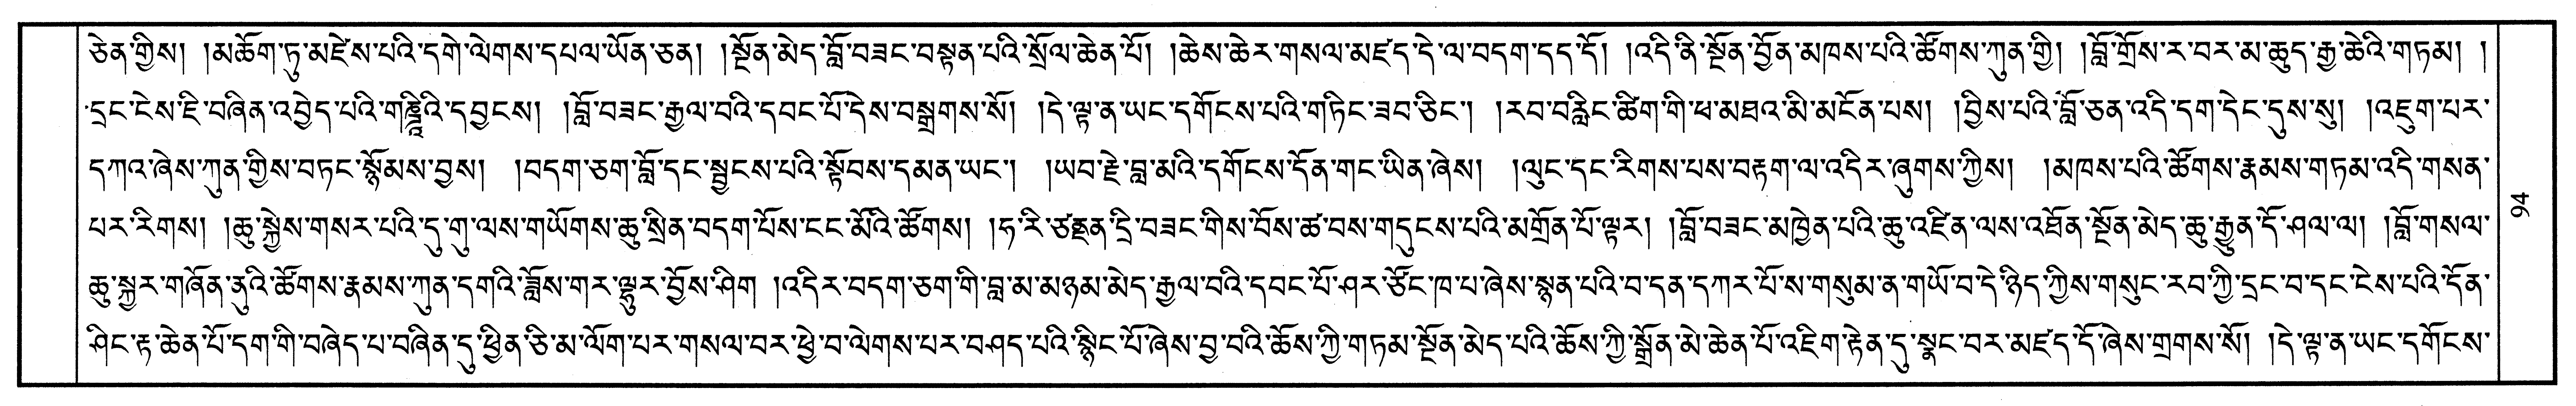ཅེན་གྱིས། །མཆོག་ཏུ་མཛེས་པའི་དགེ་ལེགས་དཔལ་ཡོན་ཅན། །སྔོན་མེད་བློ་བཟང་བསྟན་པའི་སྲོལ་ཆེན་པོ། །ཆེས་ཆེར་གསལ་མཛད་དེ་ལ་བདག་དད་དོ། །འདི་ནི་སྔོན་བྱོན་མཁས་པའི་ཚོགས་ཀུན་གྱི། །བློ་གྲོས་ར་བར་མ་ཆུད་རྒྱ་ཆེའི་གཏམ། །
དྲང་ངེས་ཇི་བཞིན་འབྱེད་པའི་གཎྜཱིའི་དབྱངས། །བློ་བཟང་རྒྱལ་བའི་དབང་པོ་དེས་བསྒྲགས་སོ། །དེ་ལྟ་ན་ཡང་དགོངས་པའི་གཏིང་ཟབ་ཅིང་། །རབ་བརླིང་ཚིག་གི་ཕ་མཐའ་མི་མངོན་པས། །བྱིས་པའི་བློ་ཅན་འདི་དག་དེང་དུས་སུ། །འཇུག་པར་
དཀའ་ཞེས་ཀུན་གྱིས་བཏང་སྙོམས་བྱས། །བདག་ཅག་བློ་དང་སྦྱངས་པའི་སྟོབས་དམན་ཡང་། །ཡབ་རྗེ་བླ་མའི་དགོངས་དོན་གང་ཡིན་ཞེས། །ལུང་དང་རིགས་པས་བརྟག་ལ་འདིར་ཞུགས་ཀྱིས། །མཁས་པའི་ཚོགས་རྣམས་གཏམ་འདི་གསན་
པར་རིགས། །ཆུ་སྐྱེས་གསར་པའི་དུ་གུ་ལས་གཡོགས་ཆུ་སྲིན་བདག་པོས་ངང་མོའི་ཚོགས། །ཧ་རི་ཙནྡན་དྲི་བཟང་གིས་བོས་ཚ་བས་གདུངས་པའི་མགྲོན་པོ་ལྟར། །བློ་བཟང་མཁྱེན་པའི་ཆུ་འཛིན་ལས་འཐོན་སྔོན་མེད་ཆུ་རྒྱུན་དོ་ཤལ་ལ། །བློ་གསལ་
ཆུ་སྐྱར་གཞོན་ནུའི་ཚོགས་རྣམས་ཀུན་དགའི་ཟློས་གར་ལྷུར་བྱོས་ཤིག །འདིར་བདག་ཅག་གི་བླ་མ་མཉམ་མེད་རྒྱལ་བའི་དབང་པོ་ཤར་ཙོང་ཁ་པ་ཞེས་སྙན་པའི་བ་དན་དཀར་པོ་ས་གསུམ་ན་གཡོ་བ་དེ་ཉིད་ཀྱིས་གསུང་རབ་ཀྱི་དྲང་བ་དང་ངེས་པའི་དོན་
ཤིང་རྟ་ཆེན་པོ་དག་གི་བཞེད་པ་བཞིན་དུ་ཕྱིན་ཅི་མ་ལོག་པར་གསལ་བར་ཕྱེ་བ་ལེགས་པར་བཤད་པའི་སྙིང་པོ་ཞེས་བྱ་བའི་ཆོས་ཀྱི་གཏམ་སྔོན་མེད་པའི་ཆོས་ཀྱི་སྒྲོན་མེ་ཆེན་པོ་འཇིག་རྟེན་དུ་སྣང་བར་མཛད་དོ་ཞེས་གྲགས་སོ། །དེ་ལྟ་ན་ཡང་དགོངས་